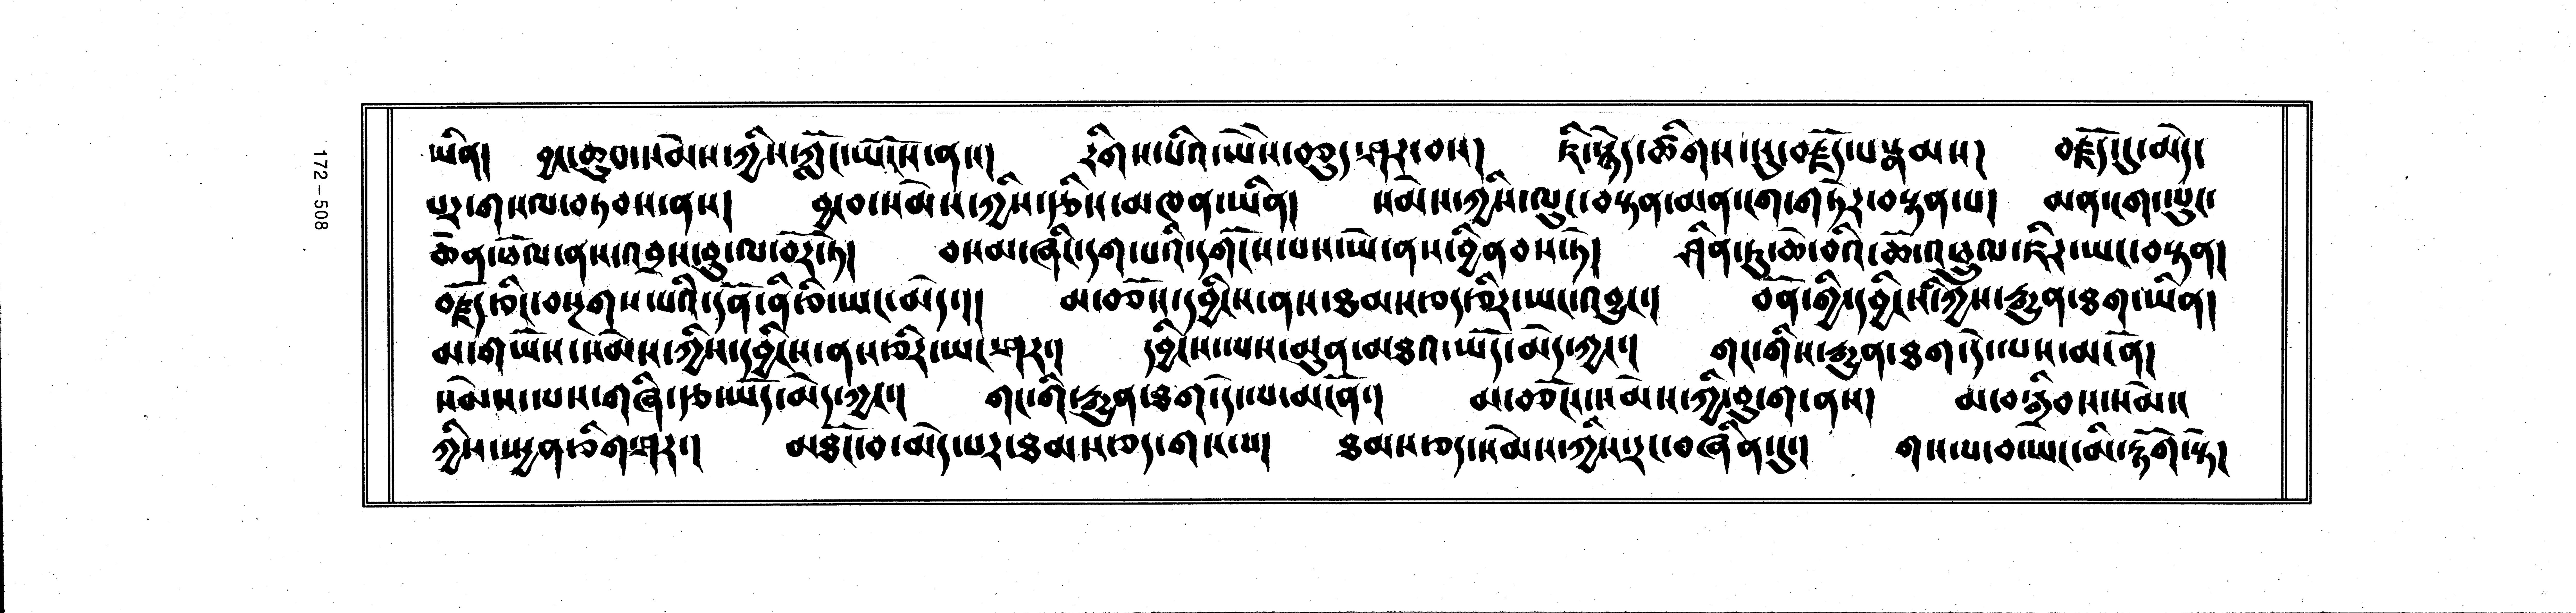ཡིན། བྱང་ཆུབ་སེམས་ཀྱིས་ཀློང་ཡོངས་ནས། རིག་པའི་ཡེ་ཤེས་བཅུད་ཤར་བས། ཇི་སྙེད་ཚིགས་སུ་བརྗོད་པ་རྣམས། བརྗོད་དུ་མེད་
པར་གསལ་བཏབས་ནས། བྱང་ཆུབ་སེམས་ཀྱིས་རྩིས་མཁན་ཡིན། སེམས་ཀྱིས་ལུང་བསྟན་མན་ངག་གཏེར་བསྟན་པ། མན་ངག་ལུང་
ཆེན་ཕོལ་ནས་འབྲས་བུ་ལ་བོར་ཏེ། བསམ་ཞིང་དག་པའི་དགོངས་པས་ཡེ་ནས་བྱིན་བརླབས་ཏེ། ཤིན་ཏུ་ཆེ་བའི་ཆོ་འཕྲུལ་ཇིར་ཡང་བསྟན། 
བརྗོད་ཅིང་བསྔགས་པའི་དོན་ནི་ཅི་ཡང་མེད། མ་བཅོས་དབྱིངས་ནས་ཐམས་ཅད་ཅིར་ཡང་འབྱུང་། བོན་གྱིས་དབྱིངས་ཀྱིས་རྒྱུན་ཐག་ཡིན། 
མ་གཡོས་སེམས་ཀྱིས་དབྱིངས་ནས་ཅིར་ཡང་ཤར། དབྱིངས་ལས་མུན་མཐའ་ཡོད་མེད་ཀྱང་། གང་གིས་རྒྱུན་ཐག་དེ་ལས་མངོན། 
སེམས་ལས་གཞི་རྩ་ཡོད་མེད་ཀྱང་། གང་གི་རྒྱུན་ཐག་དེ་ལ་མངོན། མ་བཅོས་སེམས་ཀྱི་བུ་ག་ནས། མ་བསྒྲིབས་སེམས་
ཀྱིས་སྤྱན་ཅིག་ཤར། མཐོང་བ་མེད་པར་ཐམས་ཅད་གསལ། ཐམས་ཅད་སེམས་ཀྱིས་རང་བཞིན་དུ། གསལ་བ་ཡང་མི་རྟོག་སྟེ།